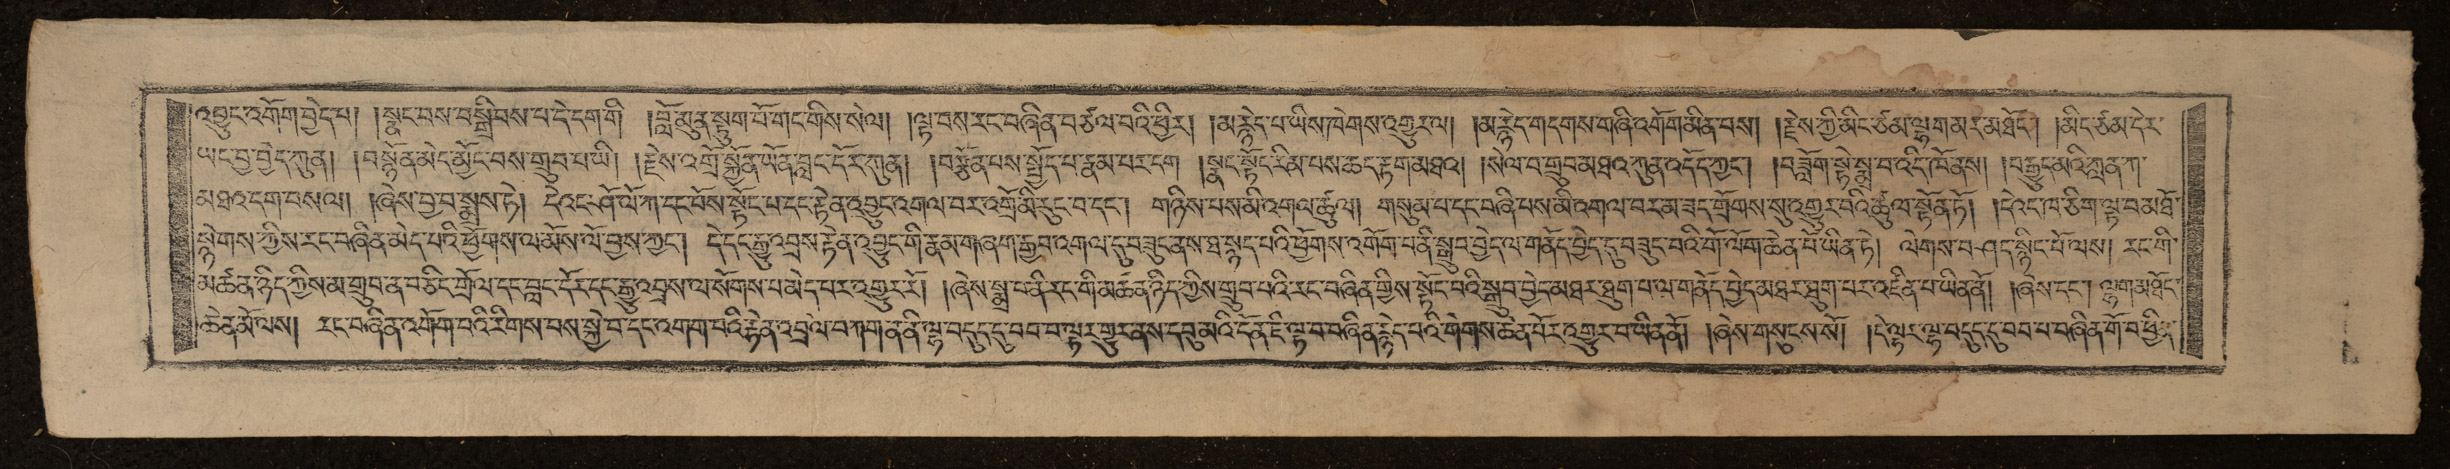འབྱུང་འགོག་བྱེད་བ། །སྣང་བས་བསྒྲིབས་པ་དེ་དག་གི །བློ་མུན་སྟུག་པོ་གང་གིས་སེལ། །ལྟ་བས་རང་བཞིན་བཙལ་བའི་ཕྱིར། །མ་རྙེད་པ་ཡིས་ཁེགས་འགྱུར་ལ། །མ་རྙེད་གདགས་གཞི་འགོག་མིན་པས། །རྗེས་ཀྱི་མིང་ཙམ་ལྷག་མར་མཐོང་། །མིང་ཙམ་དེར་
ཡང་བྱ་བྱེད་ཀུན། །བསྙོན་མེད་མྱོང་བས་གྲུབ་བ་ཡི། །རྗེས་འགྲོ་སྐྱོན་ཡོན་བླང་དོར་ཀུན། །བརྩོན་བས་སྤྱོད་པ་རྣམས་པར་དག། །སྣང་སྟོང་རིམ་པས་ཆད་རྟག་མཐའ། །སེལ་བ་གྲུབ་མཐའ་ཀུན་འདོད་ཀྱང་། །བཟློག་སྟེ་སྨྲ་བ་འདི་ཁོ་ནས། །བརྒྱུད་མའི་ཀླན་ཀ་
མཐའ་དག་བསལ། །ཞེས་བྱ་བ་སྨྲས་ཏེ། དེའང་ཤོ་ལོ་ཀ་དང་པོས་སྟོང་བ་དང་རྟེན་འབྱུང་འགལ་བར་འགྲོ་མི་རུང་བ་དང་། གཉིས་བས་མི་འགལ་ཚུལ། གསུམ་པ་དང་བཞི་བས་མི་འགལ་བར་མ་ཟད་གྲོགས་སུ་འགྱུར་བའི་ཚུལ་སྟོན་ཏོ། །དེའང་ཁ་ཅིག་ལྟ་བ་མཐོ་སྙེགས་ཀྱིས་རང་བཞིན་མེད་པའི་ཕྱོགས་ལ་མོས་ལོ་བྱས་ཀྱང་། དེ་དང་རྒྱུ་འབྲས་རྟེན་འབྱུང་གི་རྣམ་གཞག་རྒྱབ་འགལ་དུ་བཟུང་ནས་ཐ་སྙད་པའི་ཕྱོགས་འགོག་པ་ནི་སྒྲུབ་བྱེད་ལ་གནོད་བྱེད་དུ་བཟུང་བའི་གོ་ལོག་ཆེན་པོ་ཡིན་ཏེ། ལེགས་བཤད་སྙིང་པོ་ལས། རང་གི་
མཚན་ཉིད་ཀྱིས་མ་གྲུབ་ན་བཅིང་གྲོལ་དང་བླང་དོར་དང་རྒྱུ་འབྲས་ལ་སོགས་བ་མེད་བར་འགྱུར་རོ། །ཞེས་སྨྲ་བ་ནི་རང་གི་མཚན་ཉིད་ཀྱིས་གྲུབ་པའི་རང་བཞིན་གྱིས་སྟོང་བའི་སྒྲུབ་བྱེད་མཐར་ཐུག་པ་ལ་གནོད་བྱེད་མཐར་ཐུག་བར་འཛིན་བ་ཡིན་ནོ། །ཞེས་དང་། ལྷག་མཐོང་
ཆེན་མོ་ལས། རང་བཞིན་འགོག་བའི་རིགས་པས་སྐྱེ་བ་དང་འགག་པའི་རྟེན་འབྲེལ་བཀག་ན་ནི་ལྷ་བདུད་དུ་བབ་བ་ལྟར་གྱུར་ནས་དབུ་མའི་དོན་ཇི་ལྟ་བ་བཞིན་རྙེད་བའི་གེགས་ཆེན་པོར་འགྱུར་བ་ཡིན་ནོ། །ཞེས་གསུངས་སོ། །དེ་ལྟར་ལྷ་བདུད་དུ་བབ་བ་བཞིན་གོ་བ་ཕྱིན་